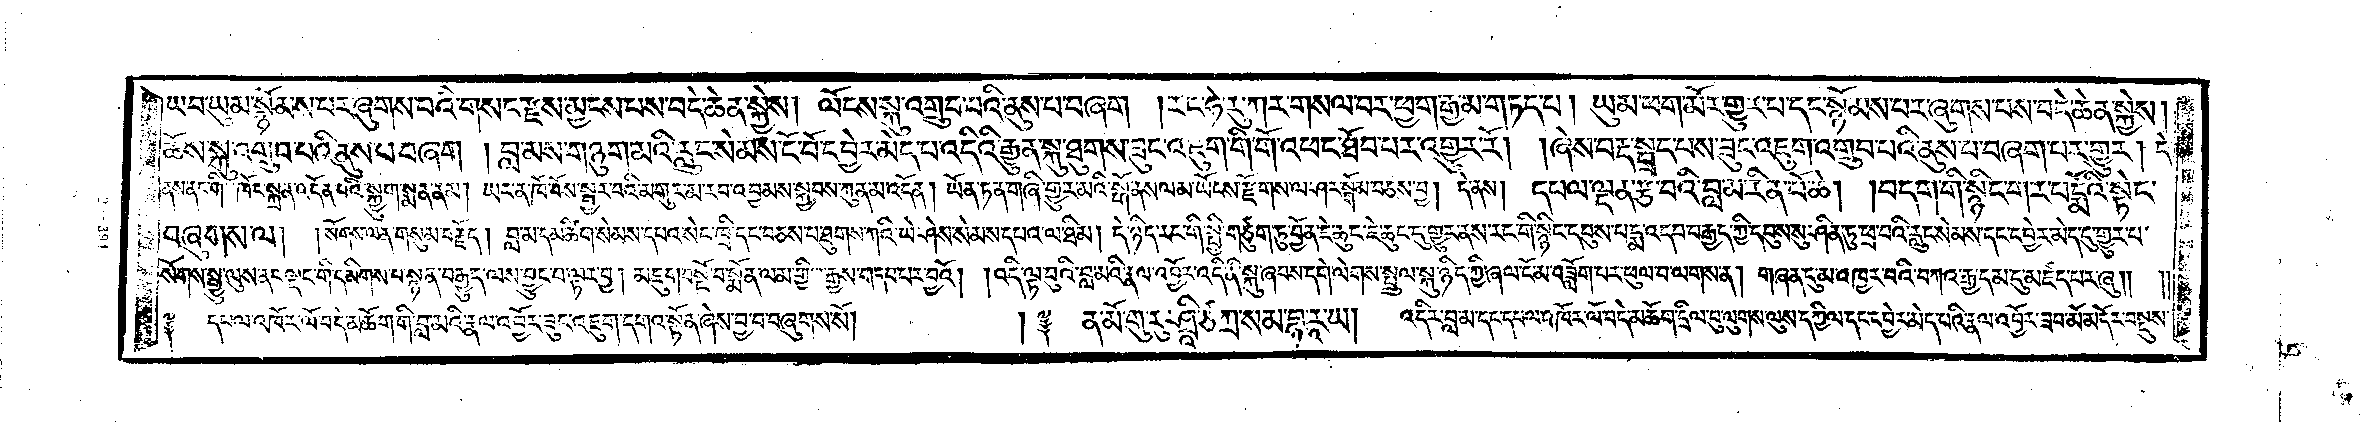ཡབ་ཡུམ་སྙོམས་པར་ཞུགས་པའི་གསང་རྫས་མྱངས་པས་བདེ་ཆེན་སྐྱེས། ལོངས་སྐུ་འགྲུབ་པའི་ནུས་པ་བཞག །རང་ཧེ་རུ་ཀར་གསལ་བར་ཕྱག་རྒྱ་མ་གཏད་པ། ཡུམ་ཕག་མོར་གྱུར་པ་དང་སྙོམས་པར་ཞུགས་པས་བདེ་ཆེན་སྐྱེས།
ཆོས་སྐུ་འགྲུབ་པའི་ནུས་པ་བཞག །བླ་མས་གཉུག་མའི་རླུང་སེམས་ངོ་བོ་དབྱེར་མེད་པ་འདིའི་རྒྱུན་སྐུ་ཐུགས་ཟུང་འཇུག་གི་གོ་འཕང་ཐོབ་པར་འགྱུར་རོ། །ཞེས་བརྡ་སྤྲད་པས་ཟུང་འཇུག་འགྲུབ་པའི་ནུས་པ་བཞག་པར་གྱུར། དེ་
ནས་ནང་གི་ཁོང་སྐྲན་འདོན་པའི་སྐྱུག་སྨན་ནམ། ཡང་ན་ཁོ་བོས་སྦྱར་བའི་མགུར་མ་རབ་འབྱམས་སྐྱབས་ཀུན་མ་འདོན། ཡོན་ཏན་གཞི་གྱུར་མའི་སྒོ་ནས་ལམ་ཡོངས་རྫོགས་ལ་ཤར་སྒོམ་བཅས་བྱ། དེ་ནས། དཔལ་ལྡན་རྩ་བའི་བླ་མ་རིན་པོ་ཆེ། །བདག་གི་སྙིང་གར་པདམོའི་སྟེང་
བཞུགས་ལ། །སོགས་ལན་གསུམ་བརྗོད། བླ་མ་དམ་ཚིག་སེམས་དཔའ་སེང་ཁྲི་དང་བཅས་པ་ཐུགས་ཀའི་ཡེ་ཤེས་སེམས་དཔའ་ལ་ཐིམ། དེ་ཉིད་རང་གི་སྤྱི་གཙུག་ཏུ་བྱོན་ངེ་ཆུང་ཇེ་ཆུང་དུ་གྱུར་ནས་རང་གི་སྙིང་དབུས་པདམ་འདབ་བརྒྱད་ཀྱི་དབུས་སུ་ཤིན་ཏུ་ཕྲ་བའི་རླུང་སེམས་དང་དབྱེར་མེད་དུ་གྱུར་པ་
སོགས་སྦྱུ་ལུས་ནང་ལྡང་གི་དམིགས་པ་སྙན་བརྒྱུད་ལས་བྱུང་བ་ལྟར་བྱ། མཇུག་བསྔོ་བ་སྨོན་ལམ་གྱི་རྒྱས་འདབ་པར་བྱའོ། །འདི་ལྟ་བུའི་བླ་མའི་རྣལ་འབྱོར་འདི་ནི་སྐུ་ཞབས་དགེ་ལེགས་སྤྲུལ་སྐུ་ཉིད་ཀྱི་ཞལ་ངོ་མ་བཟློག་པར་ཕུལ་བ་ལགས་ན། གཞན་དུ་མ་འཁྱར་བའི་བཀའ་རྒྱ་དམ་དུ་མཛད་པར་ཞུ།། །།
༈ དཔལ་འཁོར་ལོ་བདེ་མཆོག་གི་བླ་མའི་རྣལ་འབྱོར་ཟུང་འཇུག་དགའ་སྟོན་ཞེས་བྱ་བ་བཞུགས་སོ། །༈ ན་མོ་གུ་རུ་ཤྲཱི་ཙཀྲ་སམ་བྷ་རཱ་ཡ། འདིར་བླ་མ་དང་དཔལ་འཁོར་ལོ་བདེ་མཆོག་དྲིལ་བུ་ལུགས་ལུས་དཀྱིལ་དང་དབྱེར་མེད་པའི་རྣལ་འབྱོར་ཟབ་མོ་མདོར་བསྡུས་